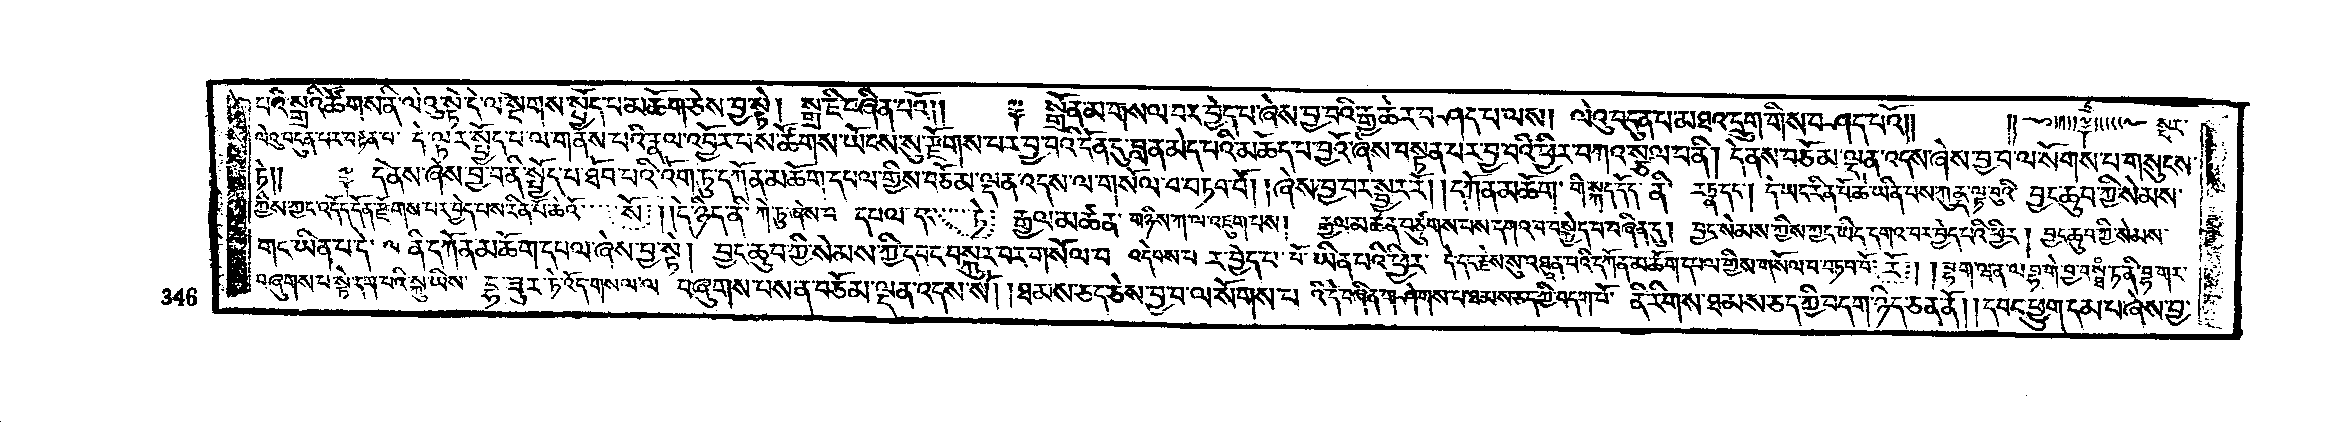པའི་སྒྲའི་ཚོགས་ནི་ལེའུ་སྟེ་དེ་ལ་སྔགས་སྤྱོད་པ་མཆོག་ཅེས་བྱ་སྟེ། སྒྲ་ཇི་བཞིན་པའོ།། ༈ སྒྲོན་མ་གསལ་བར་བྱེད་པ་ཞེས་བྱ་བའི་རྒྱ་ཆེར་བཤད་པ་ལས། ལེའུ་བདུན་པ་མཐའ་དྲུག་གིས་བཤད་པའོ།། །། ༆་སྔར་
ལེའུ་བདུན་པར་བརྟན་པ་དེ་ལྟར་སྤྱོད་པ་ལ་གནས་པའི་རྣལ་འབྱོར་པས་ཚོགས་ཡོངས་སུ་རྫོགས་པར་བྱེ་པའི་དོན་དུ་བླ་ན་མེད་པའི་མཆོད་པ་བྱའོ་ཞེས་བསྟན་པར་བྱ་བའི་ཕྱིར་བཀའ་སྩལ་པ་ནི། དེ་ནས་བཅོམ་ལྡན་འདས་ཞེས་བྱ་བ་ལ་སོགས་པ་གསུངས་
ཏེ།། ༈ དེ་ནས་ཞེས་བྱ་བ་ནི་སྤྱོད་པ་ཐོབ་པའི་འོག་ཏུ་དཀོན་མཆོག་དཔལ་གྱིས་བཅོམ་ལྡན་འདས་ལ་གསོལ་བ་བཏབ་བོ། །ཞེས་བྱ་བར་སྔར་རོ། །དཀོན་མཆོག་གི་སྐད་དོད་ནི་རཏྣ་དང་། དེ་ཡང་རིན་པོ་ཆེ་ཡིན་པས་ཀུནྡ་ལྟ་བུའི་བྱང་ཆུབ་ཀྱི་སེམས་
ཀྱིས་ཀྱང་འདོད་དོན་རྫོགས་པར་བྱེད་པས་རིན་པོ་ཆེའོ་སོ། །དེ་ཉིད་ནི་ཀེ་ཏུ་ཞེས་པ་དཔལ་དང་ཏེ། རྒྱལ་མཚན་གཉིས་ཀ་ལ་འཇུག་པས། རྒྱལ་མཚན་བཙུགས་པས་དགའ་བ་བསྐྱེད་པ་བཞིན་དུ། བྱང་སེམས་ཀྱིས་ཀྱང་ཡིད་དགའ་བར་བྱེད་པའི་ཕྱིར། བྱང་ཆུབ་ཀྱི་སེམས
གང་ཡིན་པ་དེ་ལ་ནི་དཀོན་མཆོག་དཔལ་ཞེས་བྱ་སྟེ། བྱང་ཆུབ་ཀྱི་སེམས་ཀྱི་དབང་བསྐུར་བར་གསོལ་བ་འདེབས་པར་བྱེད་པ་པོ་ཡིན་པའི་ཕྱིར་དེ་དང་རྗེས་སུ་འཐུན་པའི་དཀན་མཆོག་དཔལ་གྱིས་གསོལ་བ་བཏབ་བོ་རོ། །བྷ་ག་ཝ་ན་ལ་བྷ་གེ་བྱ་བ་ས་ཐམས་ཅད་ནི་བྷ་གར་
བཞུགས་པ་སྟེ་དག་པའི་སྐུ་ཡིས་བུ་གར་ཏེ་འོད་གསལ་ལ་བཞུགས་པས་ན་བཅོམ་ལྡན་འདས་སོ། །ཐམས་ཅད་ཅེས་བྱ་བ་ལ་སོགས་པའི་དེ་བཞིན་གཤེགས་པ་ཐམས་ཅད་ཀྱི་བདག་པོ་ནི་རིགས་ཐམས་ཅད་ཀྱི་བདག་ཉིད་ཅན་ནོ། །དབང་ཕྱུང་དམ་པ་ཞེས་བྱ་